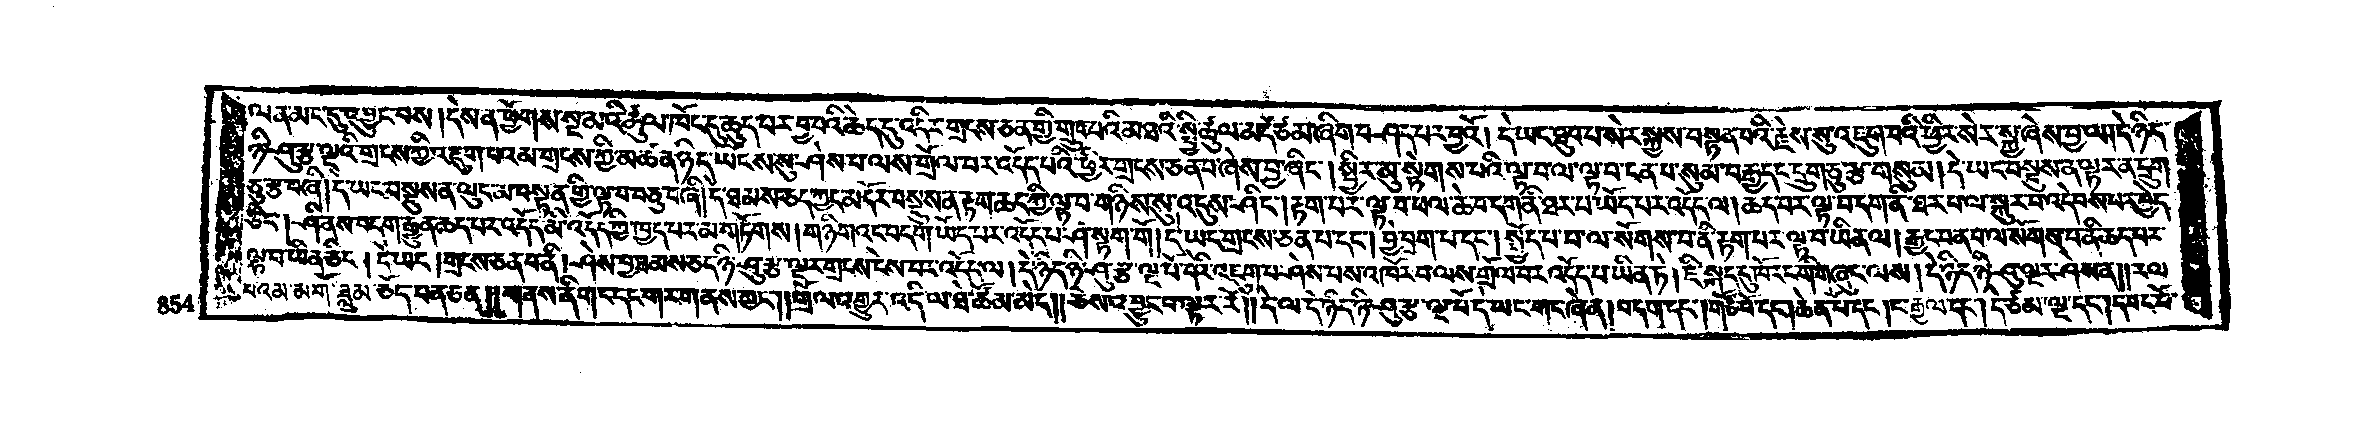ལན་མང་དུ་འབྱུང་བས། དེས་ན་ཕྱོགས་སྔ་མའི་ཚུལ་ཁོང་དུ་ཆུད་པར་བྱ་བའི་ཆེད་དུ་འདིར་གྲངས་ཅན་གྱི་གྲུབ་པའི་མཐའི་སྤྱི་ཚུལ་མདོ་ཙམ་ཞིག་བཤད་པར་བྱའོ། དེ་ཡང་ཐུབ་པ་སེར་སྐྱས་བསྟན་པའི་རྗེས་སུ་འཇུག་པའི་ཕྱིར་སེར་སྐྱ་ཞེས་བྱ་ལ། དེ་ཉིད་
ཉི་ཤུ་རྩ་ལྔའི་གྲངས་ཀྱི་འཇུག་པའམ་གྲངས་ཀྱི་མཚན་ཉིད་ཡོངས་སུ་ཤེས་པ་ལས་གྲོལ་བར་འདོད་པའི་ཕྱིར་གྲངས་ཅན་པ་ཞེས་བྱ་ཞིང་། སྤྱིར་མུ་སྟེགས་པའི་ལྟ་བ་ལ་ལྟ་བ་ངན་པ་སུམ་བརྒྱ་དང་དྲུག་ཅུ་རྩ་གསུམ། དེ་ཡང་བསྡུས་ན་ལྟར་ན་དྲུག་
ཅུ་རྩ་བཞི། དེ་ཡང་བསྡུས་ན་ལུང་མ་བསྟན་གྱི་ལྟ་བ་བཅུ་བཞི། དེ་ཐམས་ཅད་ཀྱང་མདོར་བསྡུས་ན་རྟག་ཆད་ཀྱི་ལྟ་བ་གཉིས་སུ་འདུས་ཤིང་། རྟག་པར་ལྟ་བ་ཕལ་ཆེ་བ་དག་ནི་ཐར་པ་ཡོད་པར་འདོད་ལ། ཆད་པར་ལྟ་བ་དག་ནི་ཐར་པ་ལ་སྐུར་བ་འདེབས་པར་བྱེད་
ཅིང་། ཤི་ནས་བདག་རྒྱུན་ཆད་པར་འདོད་མི་འདོད་ཀྱི་ཁྱད་པར་མ་གཏོགས། གཉི་གའང་བདག་ཡོད་པར་འདོད་པ་ཤ་སྟག་གོ །དེ་ཡང་གྲངས་ཅན་པ་དང་། བྱེ་བྲག་པ་དང་། སྤྱོད་པ་བ་ལ་སོགས་པ་ནི་རྟག་པར་ལྟ་བ་ཡིན་ལ། རྒྱང་པན་པ་ལ་སོགས་པ་ནི་ཆད་པར་
ལྟ་བ་ཡིན་ཅིང་། དེ་ཡང་། གྲངས་ཅན་པ་ནི། ཤེས་བྱ་ཐམས་ཅད་ཉི་ཤུ་རྩ་ལྔར་གྲངས་ངེས་པར་འདོད་ལ། དེ་ཉིད་ཉི་ཤུ་རྩ་ལྔ་པོ་དེའི་འཇུག་པ་ཤེས་པས་འཁོར་བ་ལས་གྲོལ་བར་འདོད་པ་ཡིན་ཏེ། ཇི་སྐད་དུ་ཁོ་རང་གི་གཞུང་ལས། དེ་ཉིད་ཉི་ཤུ་ལྔར་ཤེས་ན། །རལ་
པའམ་མགོ་ཟླུམ་ཅོད་པན་ཅན། །གནས་ནི་གང་དང་གར་གནས་ཀྱང་། །གྲོལ་འགྱུར་འདི་ལ་ཐེ་ཚོམ་མེད། །ཅེས་འབྱུང་བ་ལྟར་རོ། །དེ་ལ་དེ་ཉིད་ཉི་ཤུ་རྩ་ལྔ་པོ་དེ་ཡང་གང་ཞེ་ན། བདག་དང་། གཙོ་བོ་དང་། ཆེན་པོ་དང་། ང་རྒྱལ་དང་། དེ་ཙམ་ལྔ་དང་། དབང་པོ་